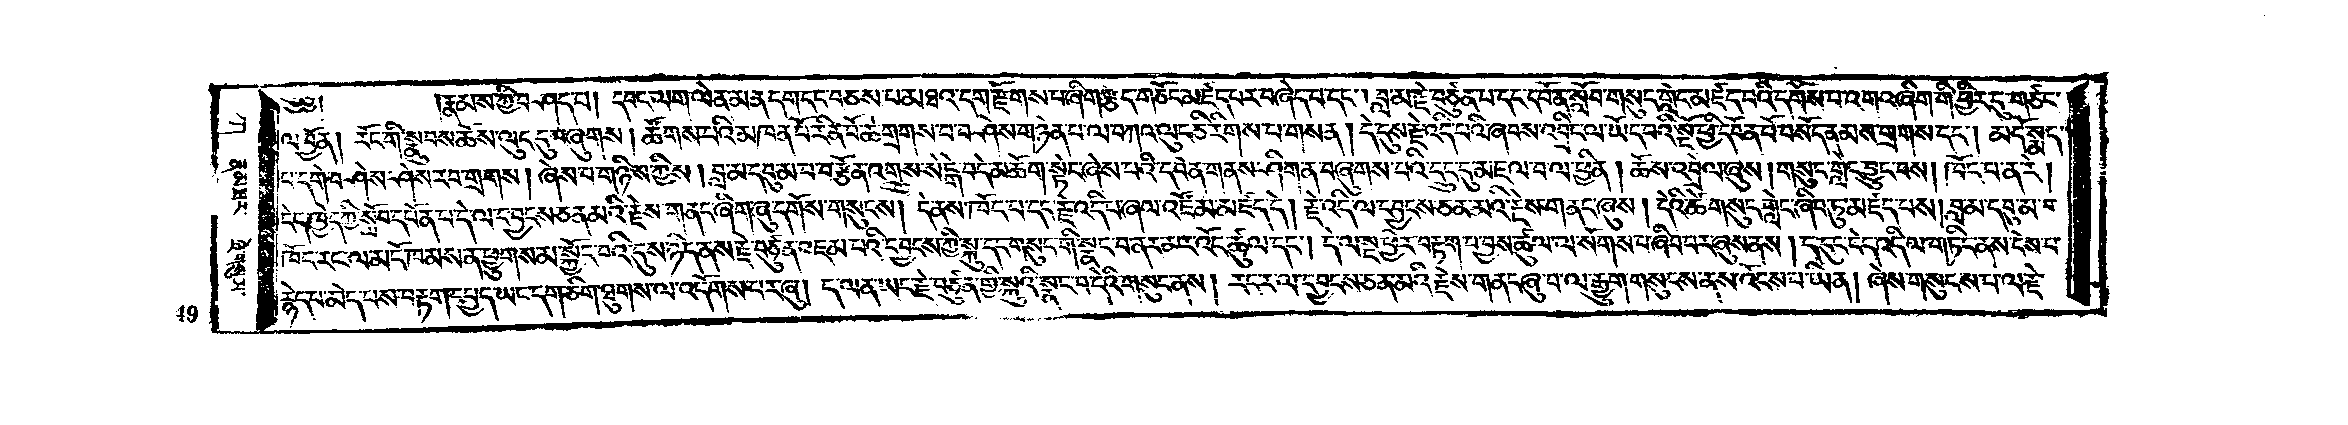༄༅། །རྣམས་ཀྱི་བཤད་པ། དབང་ལག་ལེན་མན་ངག་དང་བཅས་པ་མཐའ་དག་རྫོགས་པ་ཞིག་རྩད་གཅོང་མཛད་པར་བཞེད་པ་དང་། བླ་མ་རྗེ་བཙུན་པ་དང་དཔོན་སློབ་གསུང་གླེང་མཛད་པའི་དགོས་པ་འགའ་ཞིག་གི་ཕྱིར་དུ་གཙང་
ལ་བྱོན། རོང་གི་སྣུབས་ཆོས་ལུང་དུ་བཞུགས། ཚོགས་པའི་མཁན་པོ་རིན་པོ་ཆེ་གྲགས་པ་བཤེས་གཉེན་པ་ལ་བཀའ་ལུང་ཅི་རིགས་པ་གསན། དེ་དུས་རྗེ་འདི་པའི་ཞབས་འབྲིང་ལ་ཡོད་པའི་སྔོ་ཕྱི་དཔོན་པོ་བསོད་ནམས་གྲགས་དང་། མདོ་སྨད་
པ་དགེ་བཤེས་ཤེས་རབ་གྲགས། ཞེས་པ་གཉིས་ཀྱིས། བླ་མ་དབུ་མ་པ་བརྩོན་འགྲུས་སེངྒེ་བདེ་མཆོག་སྟེང་ཞེས་པའི་དབེན་གནས་ཤིག་ན་བཞུགས་པའི་དྲུང་དུ་མཇལ་བ་ལ་ཕྱིན། ཆོས་འབྲེལ་ཞུས། གསུང་གླེང་བྱུང་བས། ཁོང་པ་ན་རེ།
ངེད་ཁྱེད་ཀྱི་སློབ་དཔོན་པ་དེ་ལ་དབྱངས་ཅན་མའི་རྗེས་གནང་ཞིག་ཞུ་དགོས་གསུངས། དེ་ནས་ཁོང་པ་དང་རྗེ་འདི་པ་ཞལ་འཛོམ་མཛད་དེ། རྗེ་འདི་ལ་དབྱངས་ཅན་མའི་རྗེས་གནང་ཞུས། དེའི་ཚེ་གསུང་གླེང་ཞིབ་ཏུ་མཛད་པས། བླ་མ་དབུ་མ་པ་
ཁོང་རང་ལ་མདོ་ཁམས་ན་ཕྱུགས་མ་སྐྱོང་བའི་དུས་ཉིད་ནས་རྗེ་བཙུན་འཇམ་པའི་དབྱངས་ཀྱི་སྐུ་དང་གསུང་གི་སྣང་བ་ནར་མར་འོང་ཚུལ་དང་། དེ་ལ་སྔ་ཕྱིར་བརྟག་པ་བྱས་ཚུལ་ལ་སོགས་པ་ཞིབ་པར་ཞུས་ནས། ད་དུང་ངེད་འདི་ལ་གཏིང་ནས་ངེས་པ་
རྙེད་པ་མེད་པས་བརྟག་དཔྱད་ཡང་དག་ཅིག་ཐུགས་ལ་འདོགས་པར་ཞུ། ད་ལན་ཡང་རྗེ་བཙུན་གྱི་སྐུའི་སྣང་བ་དེའི་གསུང་ནས། རང་ར་ལ་དབྱངས་ཅན་མའི་རྗེས་གནང་ཞུ་བ་ལ་རྒྱུག་གསུངས་ནས་འོངས་པ་ཡིན། ཞེས་གསུངས་པ་ལ་རྗེ་